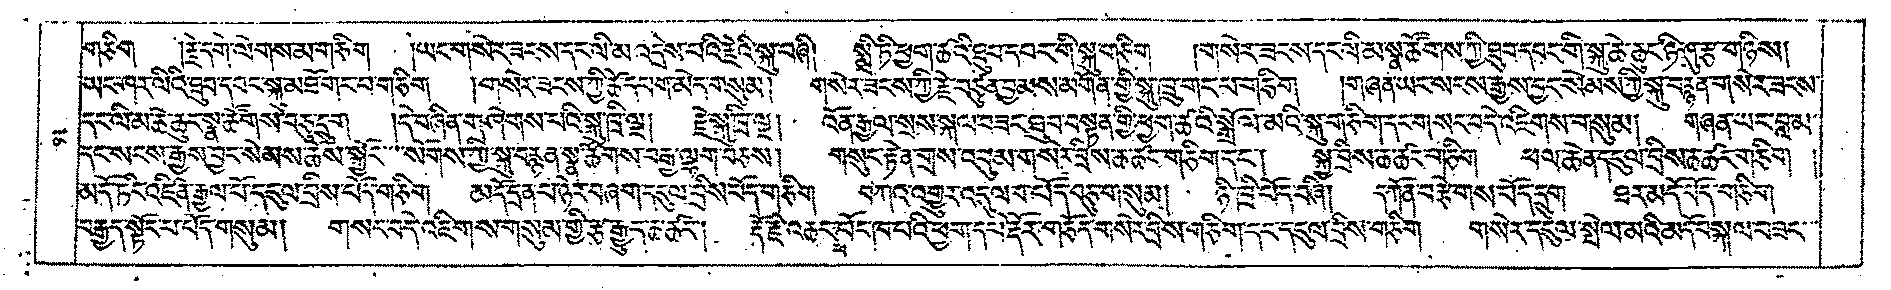གཅིག །རྗེ་དགེ་ལེགས་མ་གཅིག །ཡང་གསེར་ཟངས་དང་ལི་མ་འདྲེས་པའི་རྗེའི་སྐུ་བཞི། སྨྲི་ཏི་ཕྱག་ཚའི་ཐུབ་དབང་གི་སྐུ་གཅིག །གསེར་ཟངས་དང་ལི་མ་སྣ་ཚོགས་ཀྱི་ཐུབ་དབང་གི་སྐུ་ཆེ་ཆུང་ཉི་ཤུ་རྩ་གཉིས།
ཡང་ཤར་ལིའི་ཐུབ་དབང་སྐུ་མཐོ་གང་བ་གཅིག །གསེར་ཟངས་ཀྱི་ཚེ་དཔག་མེད་གསུམ། གསེར་ཟངས་ཀྱི་རྗེ་བཙུན་བྱམས་མགོན་གྱི་སྐུ་ཁྲུ་གང་པ་གཅིག །གཞན་ཡང་སངས་རྒྱས་བྱང་སེམས་ཀྱི་སྐུ་བརྙན་གསེར་ཟངས་
དང་ལི་མ་ཆེ་ཆུང་སྣ་ཚོགས་བཅུ་དྲུག །དེ་བཞིན་གཤེགས་པའི་སྐུ་ཁྲི་ལྔ། རྗེ་སྐུ་ཁྲི་ལྔ། འོན་རྒྱལ་སྲས་སྐལ་བཟང་ཐུབ་བསྟན་གྱི་ཕྱག་ཚའི་སྒྲོལ་མའི་སྐུ་གཅིག་དང་གསང་བདེ་འཇིགས་གསུམ། གཞན་ཡང་བླ་མ་
དང་སངས་རྒྱས་བྱང་སེམས་ཆོས་སྐྱོང་སོགས་ཀྱི་སྐུ་བརྙན་སྣ་ཚོགས་བརྒྱ་ལྷག་བཅས། གསུང་རྟེན་གྲས་འབུམ་གསེར་བྲིས་ཆ་ཚང་གཅིག་དང་། སྐྱ་བྲིས་ཆ་ཚང་གཅིག །ཕལ་ཆེན་དངུལ་བྲིས་ཆ་ཚང་གཅིག །
མདོ་ཏིང་འཛིན་རྒྱལ་པོ་དངུལ་བྲིས་པོད་གཅིག །མདོ་དྲན་པ་ཉེར་བཞག་དངུལ་བྲིས་པོད་གཅིག །བཀའ་འགྱུར་འདུལ་བ་པོད་བཅུ་གསུམ། ཉི་ཁྲི་པོད་བཞི། དཀོན་བརྩེགས་པོད་དྲུག །ཐར་མདོ་པོད་གཅིག་
བརྒྱད་སྟོང་པ་པོད་གསུམ། གསང་བདེ་འཇིགས་གསུམ་གྱི་རྩ་རྒྱུད་ཆ་ཚང་། རྡོ་རྗེ་འཆང་ཕ་བོང་ཁ་པའི་ཕྱག་དཔེ་རྡོར་གཅོད་གསེར་བྲིས་གཅིག་དང་དངུལ་བྲིས་གཅིག །གསེར་དངུལ་སྤེལ་མའི་མདོ་བསྐལ་བཟང་